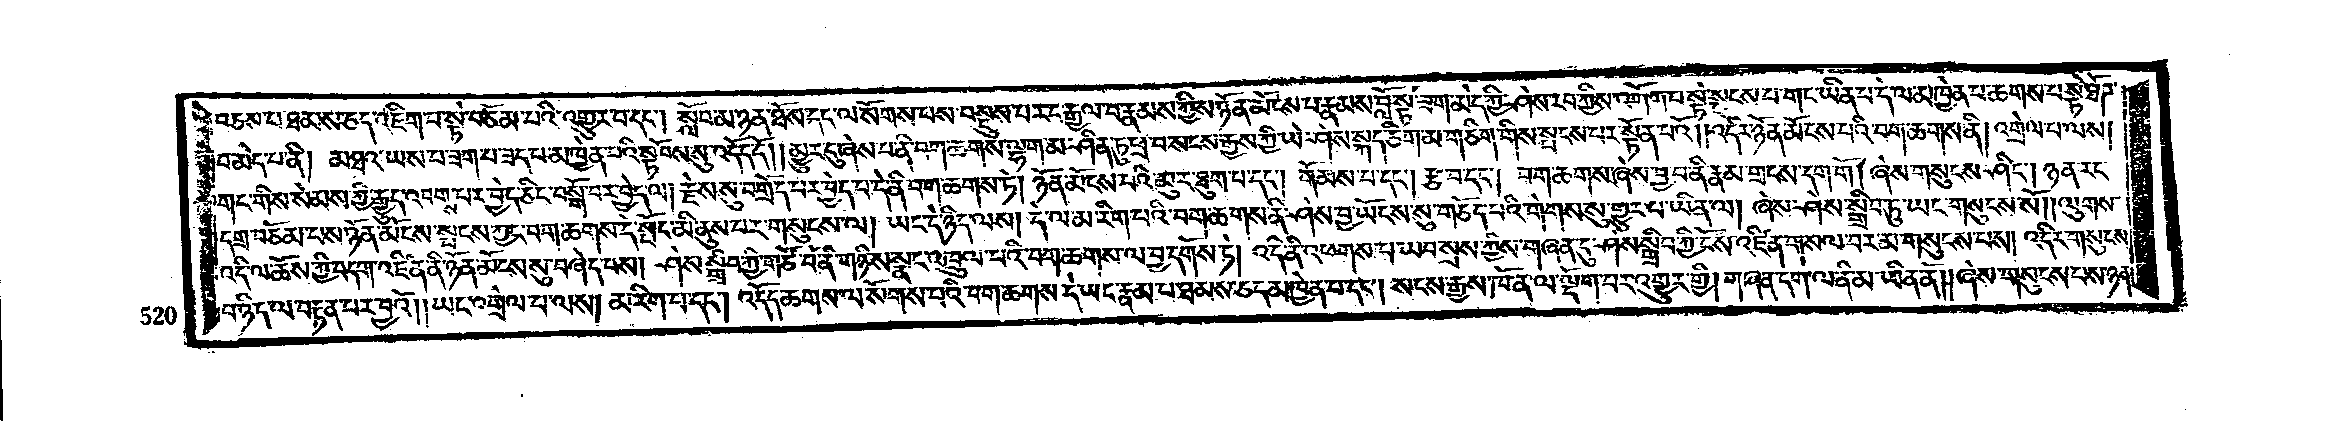བཅས་པ་ཐམས་ཅད་འཇིག་པ་སྟེ་བཅོམ་པའི་འགྱུར་བ་དང་། སློབ་མ་ཉན་ཐོས་དང་ལ་སོགས་པས་བསྡུས་པ་རང་རྐྱལ་བ་རྣམས་ཀྱིས་ཉོན་མོངས་པ་རྣམས་བློ་སྟེ་ཟག་མེད་ཀྱི་ཤེས་རབ་ཀྱིས་འགོག་པ་སྟེ་སྤངས་པ་གང་ཡིན་པ་དེ་ལ་མཁྱེན་པ་ཆགས་པ་སྟེ་ཐོགས་
པ་མེད་པ་ནི། མཐའ་ཡས་པ་ཟག་པ་ཟད་པ་མཁྱེན་པའི་སྟོབས་སུ་འདོད་དོ། །མྱུར་དུ་ཞེས་པ་ནི་བག་ཆགས་ལྷག་མ་ཤིན་ཏུ་ཕྲ་བ་སངས་རྒྱས་ཀྱི་ཡེ་ཤེས་སྐད་ཅིག་མ་གཅིག་གིས་སྤངས་པར་སྟོན་པའོ། །འདིར་ཉོན་མོངས་པའི་བག་ཆགས་ནི། འགྲེལ་པ་ལས།
གང་གིས་སེམས་ཀྱི་རྒྱུད་འབགས་པར་བྱེད་ཅིང་བསྒོ་བར་བྱེད་ལ། རྗེས་སུ་བགྲོད་པར་བྱེད་པ་དེ་ནི་བག་ཆགས་ཏེ། ཉོན་མོངས་པའི་མུར་ཐུག་པ་དང་། གོམས་པ་དང་། རྩ་བ་དང་། བག་ཆགས་ཞེས་བྱ་བ་ནི་རྣམ་གྲངས་དག་གོ །ཞེས་གསུངས་ཤིང་། ཉན་རང་
དགྲ་བཅོམ་པས་ཉོན་མོངས་སྤངས་ཀྱང་བག་ཆགས་དེ་སྤོང་མི་ནུས་པར་གསུངས་ལ། ཡང་དེ་ཉིད་ལས། དེ་ལ་མ་རིག་པའི་བག་ཆགས་ནི་ཤེས་བྱ་ཡོངས་སུ་གཅོད་པའི་གེགས་སུ་གྱུར་པ་ཡིན་ལ། ཞེས་ཤེས་སྒྲིབ་ཏུ་ཡང་གསུངས་སོ། །ལུགས་
འདི་ལ་ཆོས་ཀྱི་བདག་འཛིན་ནི་ཉོན་མོངས་སུ་བཞེད་པས། ཤེས་སྒྲིབ་ཀྱི་གཙོ་བོ་ནི་གཉིས་སྣང་འཁྲུལ་པའི་བག་ཆགས་ལ་བྱ་དགོས་ཏེ། འདི་ནི་འཕགས་པ་ཡབ་སྲས་ཀྱིས་གཞན་དུ་ཤེས་སྒྲིབ་ཀྱི་ངོས་འཛིན་གསལ་བར་མ་གསུངས་པས། འདིར་གསུངས་
པ་ཉིད་ལ་བརྟན་པར་བྱའོ། །ཡང་འགྲེལ་པ་ལས། མ་རིག་པ་དང་། འདོད་ཆགས་ལ་སོགས་པའི་བག་ཆགས་དེ་ཡང་རྣམ་པ་ཐམས་ཅད་མཁྱེན་པ་དང་། སངས་རྒྱས་ཁོ་ན་ལ་ལྡོག་པར་འགྱུར་གྱི། གཞན་དག་ལ་ནི་མ་ཡིན་ནོ། །ཞེས་གསུངས་པས་ཉན་